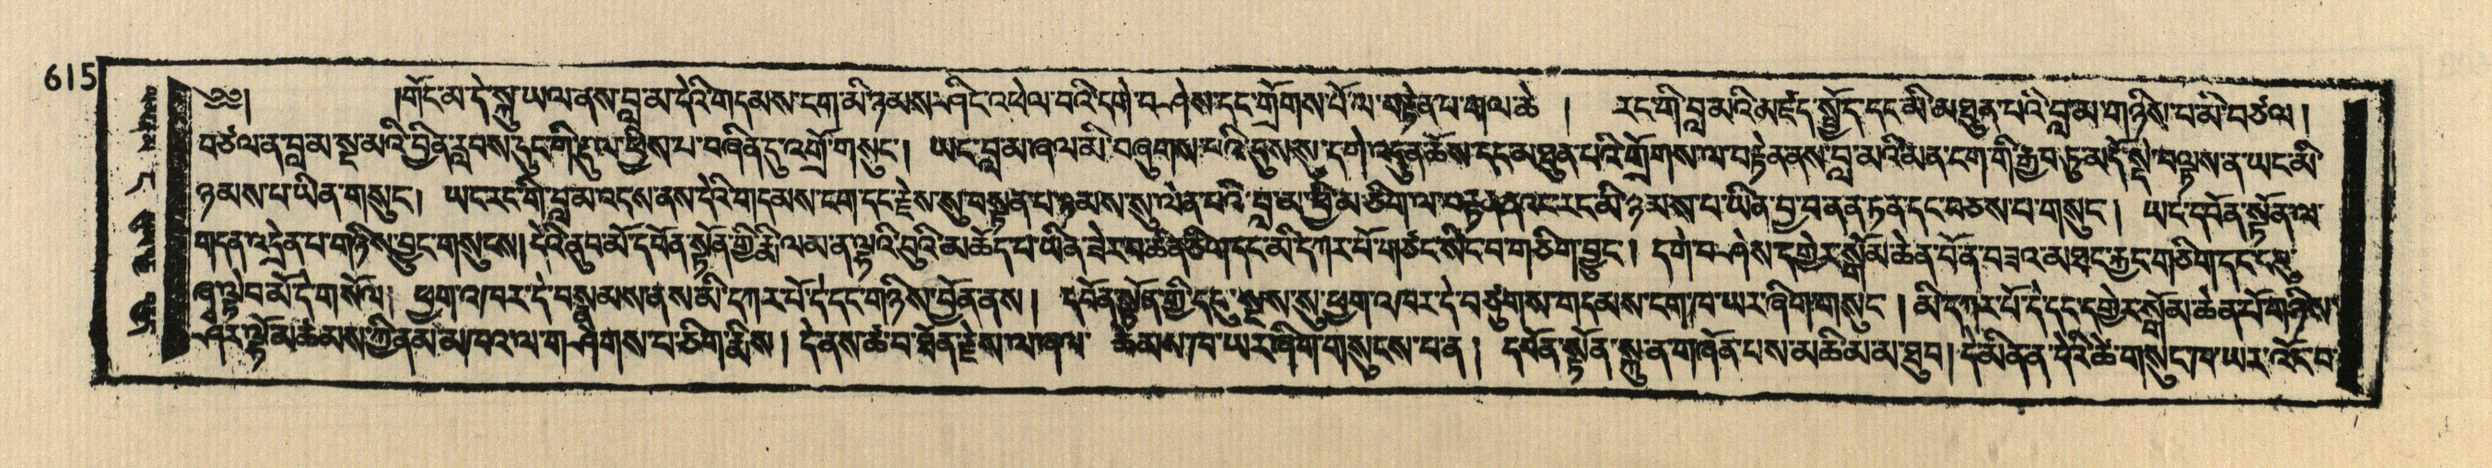༄༅། །གོང་མ་དེ་སྐུ་ཡལ་ནས་བླ་མ་དེའི་གདམས་ངག་མི་ཉམས་ཤིང་འཕེལ་བའི་དགེ་བཤེས་དང་གྲོགས་པོ་ལ་བརྟེན་པ་གལ་ཆེ། རང་གི་བླ་མའི་མཛད་སྤྱོད་དང་མི་མཐུན་པའི་བླ་མ་གཉིས་པ་མི་བཙལ།
བཙལ་ན་བླ་མ་སྔ་མའི་བྱིན་རླབས་དུང་གི་རྡུལ་ཕྱིས་པ་བཞིན་དུ་འགྲོ་གསུང་། ཡང་བླ་མ་ཞལ་མི་བཞུགས་པའི་དུས་སུ་དགེ་འདུན་ཆོས་དང་མཐུན་པའི་གྲོགས་ལ་བརྟེན་ནས་བླ་མའི་མན་ངག་གི་རྒྱབ་ཏུ་མདོ་སྡེ་བལྟས་ན་ཡང་མི་
ཉམས་པ་ཡིན་གསུང་། ཡང་རང་གི་བླ་མ་འདས་ནས་དེའི་གདམས་ངག་དང་རྗེས་སུ་བསྟན་པ་ཉམས་སུ་ལེན་པའི་བླ་མ་ཕྱི་མ་ཅིག་ལ་བརྟན་ནའང་རང་མི་ཉམས་པ་ཡིན་བྱ་བ་ནན་ཏན་དང་བཅས་པ་གསུང་། ཡང་དབོན་སྟོན་ལ་
གདན་འདྲེན་པ་གཉིས་བྱུང་གསུངས། དེའི་ནུབ་མོ་དབོན་སྟོན་གྱི་རྨི་ལམ་ན་ལྷའི་བུའི་མཆོད་པ་ཡིན་ཟེར་བ་ཚན་ཅིག་དང་མི་དཀར་པོ་གཙང་སིང་བ་གཅིག་བྱུང་། དགེ་བཤེས་དགྱེར་སྒོམ་ཆེན་བོ་ན་བཟའ་མཐང་རྐྱང་གཅིག་དང་དབུ་
ཞྭ་ལྟེབ་མོ་དེ་གསོལ། ཕྱག་འཁར་དེ་བསྣམས་ནས་མི་དཀར་པོ་དེ་དང་གཉིས་བྱོན་ནས། དབོན་སྟོན་གྱི་དབུ་སྔས་སུ་ཕྱག་འཁར་དེ་བཙུགས་གདམས་ངག་ཁ་ཡར་ཞིག་གསུང་། མི་དཀར་པོ་དེ་དང་དགྱེར་སྒོམ་ཆེན་པོ་གཉིས་
ཤར་ལྷོ་མཚམས་ཀྱི་ནམ་མཁའ་ལ་གཤེགས་པ་ཅིག་རྨིས། དེ་ནས་ཚ་བ་ཐོན་རྗེས་ལ་ཞལ་ཆེམས་ཁ་ཡར་ཞིག་གསུངས་པ་ན། དབོན་སྟོན་སྐུ་ན་གཞོན་པས་མཆི་མ་མ་ཐུབ། དེ་མིན་ན་དེའི་ཚེ་གསུང་ཁ་ཡར་འོང་བ་